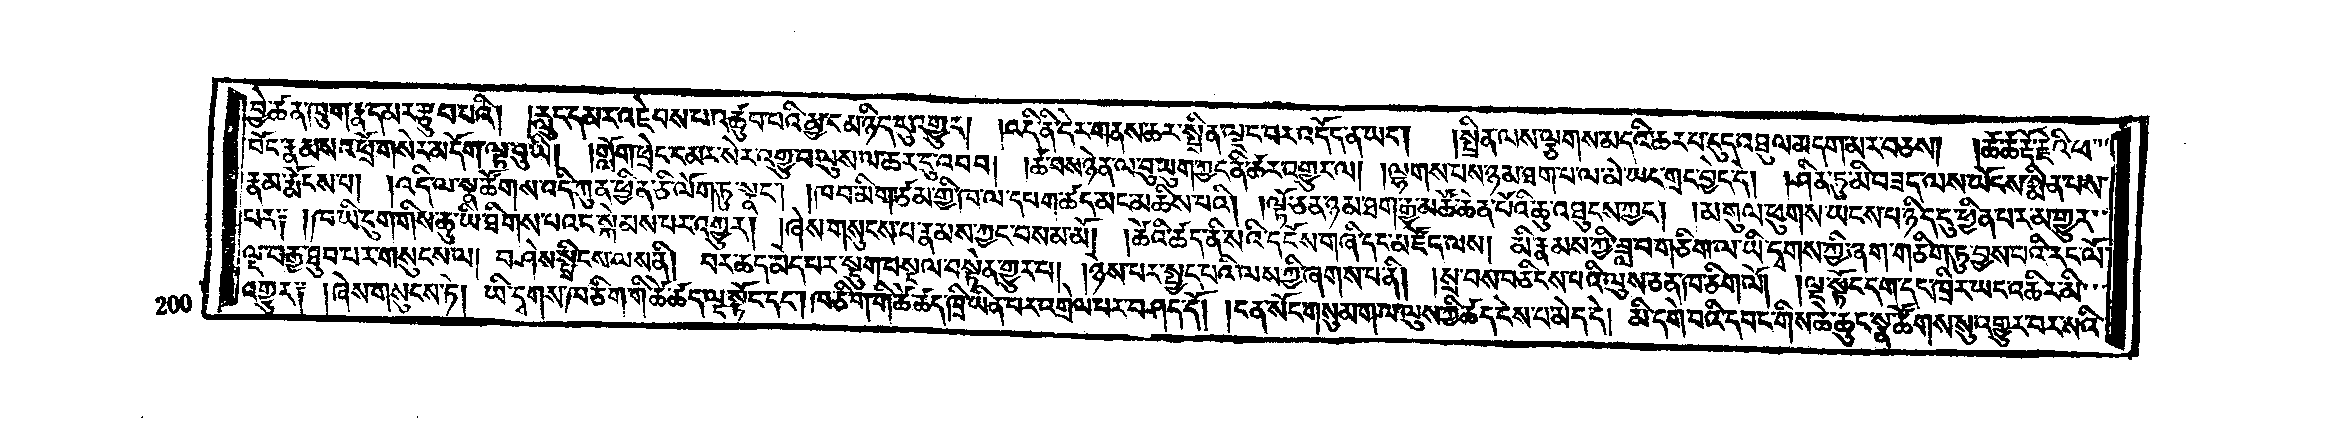བྱེ་ཚན་ཁུག་རྣ་དམར་རྩུབ་པའི། །རླུང་དམར་འཇེབས་པ་འཚུབ་པའི་མྱ་ངམ་ཉིད་དུ་འགྱུར། །འདི་ནི་དེར་གནས་ཆར་སྤྲིན་ལྡང་བར་འདོད་ན་ཡང་། །སྤྲིན་ལས་ལྕགས་མདིའི་ཆར་པ་དུད་འཐུལ་མདག་མར་བཅས། །ཚ་ཚ་རྡོ་རྗེའི་ཕ་
བོང་རྣམས་འཕྲོ་གསེར་མདོག་ལྟ་བུ་ཡི། །གློག་ཕྲེང་དམར་སེར་འགྱུ་བ་ལུས་ལ་ཆར་དུ་འབབ། །ཚ་བས་ཉེན་ལ་བུ་ཡུག་ཀྱང་ནི་ཚར་འགྱུར་ལ། །ལྷགས་པས་ཉམ་ཐག་པ་ལ་མེ་ཡང་གྲང་བྱེད་དེ། །ཤིན་ཏུ་མི་བཟད་ལས་ཡོངས་སྨིན་པས་
རྣམ་རྨོངས་པ། །འདི་ལ་སྣ་ཚོགས་འདི་ཀུན་ཕྱིན་ཅི་ལོག་ཏུ་སྣང་། །ཁབ་མིག་ཙམ་གྱི་ཁ་ལ་དཔག་ཚད་མང་མཆིས་པའི། །ལྟོ་ཅན་ཉམ་ཐག་རྒྱ་མཚོ་ཆེན་པོའི་ཆུ་འཐུངས་ཀྱང་། །མགུལ་ཕུགས་ཡངས་པ་ཉིད་དུ་ཕྱིན་པར་མ་གྱུར་
པར༑ ༑ཁ་ཡི་དུག་གིས་ཆུ་ཡི་ཐིགས་པའང་སྐེམས་པར་འགྱུར། །ཞེས་གསུངས་པ་རྣམས་ཀྱང་བསམ་མོ། །ཚེའི་ཚད་ནི་སའི་དངོས་གཞི་དང་མཛོད་ལས། མི་རྣམས་ཀྱི་ཟླ་བ་གཅིག་ལ་ཡི་དྭགས་ཀྱི་ཞག་གཅིག་ཏུ་བྱས་པའི་རང་ལོ་
ལྔ་བརྒྱ་ཐུབ་པར་གསུངས་ལ། བཤེས་སྤྲིངས་ལས་ནི། བར་ཆད་མེད་པར་སྡུག་བསྔལ་བསྟེན་གྱུར་པ། །ཉེས་པར་སྤྱད་པའི་ལས་ཀྱི་ཞགས་པ་ནི། །སྲ་བས་བཅིངས་པའི་ལུས་ཅན་ཁ་ཅིག་ལོ། །ལྔ་སྟོང་དག་དང་ཁྲིར་ཡང་འཆིར་མི་
འགྱུར། །ཞེས་གསུངས་ཏེ། ཡི་དྭགས་ཁ་ཅིག་གི་ཚེ་ཚད་ལྔ་སྟོང་དང་། ཁ་ཅིག་གི་ཚེ་ཚད་ཁྲི་ཡིན་པར་འགྲེལ་པར་བཤད་དོ། །ངན་སོང་གསུམ་ག་ལ་ལུས་ཀྱི་ཚད་ངེས་པ་མེད་དེ། མི་དགེ་བའི་དབང་གིས་ཆེ་ཆུང་སྣ་ཚོགས་སུ་འགྱུར་བར་སའི་